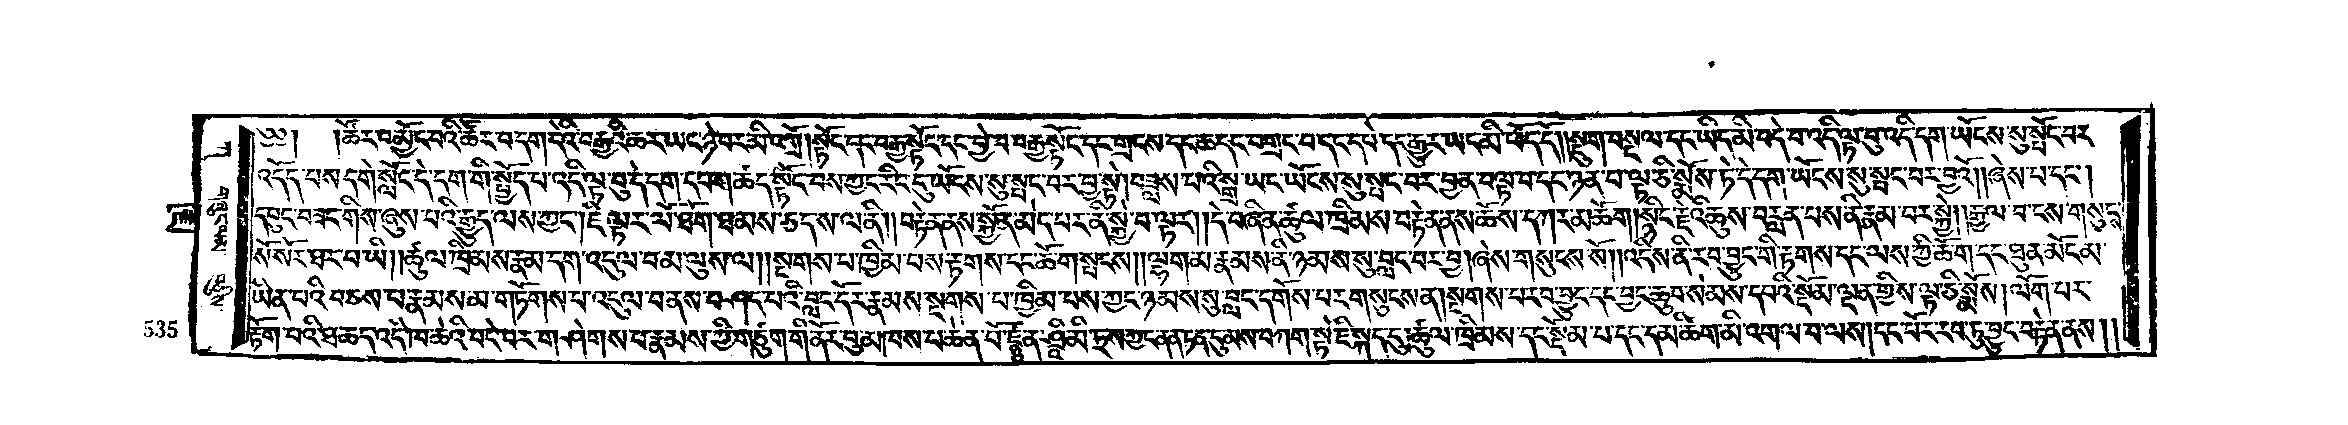༄༅། །ཚོར་བ་མྱོང་བའི་ཚོར་བ་དག་དེའི་བརྒྱའི་ཆར་ཡང་ཉེ་བར་མི་འགྲོ། སྟོང་དང་བརྒྱ་སྟོང་དང་བྱེ་བ་བརྒྱ་སྟོང་དང་གྲངས་དང་ཆ་དང་བགྲང་བ་དང་དཔེ་དང་རྒྱུར་ཡང་མི་ཕོད་དོ། །སྡུག་བསྔལ་དང་ཡིད་མི་བདེ་བ་འདི་ལྟ་བུ་འདི་དག་ཡོངས་སུ་སྤོང་བར་
འདོད་པས་དགེ་སློང་དེ་དག་གི་སྤྱོད་པ་འདི་ལྟ་བུ་དེ་དག་དཔག་ཚད་སྟོང་བས་ཀྱང་རིང་དུ་ཡོངས་སུ་སྤང་བར་བྱ་སྟེ། བཟླས་པའི་སྒྲ་ཡང་ཡོངས་སུ་སྤང་བར་བྱན་བལྟ་བ་དང་ཉན་པ་ལྟ་ཅི་སྨོས་ཏེ་དེ་དག་ཡོངས་སུ་སྤང་བར་བྱའོ། །ཞེས་པ་དང་།
དབུང་བཟང་གིས་ཞུས་པའི་རྒྱུད་ལས་ཀྱང་། ཇི་ལྟར་ལོ་ཐོག་ཐམས་ཅད་ས་ལ་ནི། །བརྟེན་ནས་སྐྱོན་མེད་པར་ནི་སྐྱེ་བ་ལྟར། །དེ་བཞིན་ཚུལ་ཁྲིམས་བརྟེན་ནས་ཆོས་དཀར་མཆོག །སྙིང་རྗེའི་ཆུས་བརླན་པས་ནི་རྣམ་པར་སྐྱེ། །རྒྱལ་བ་ངས་གསུངས་
སོ་སོར་ཐར་པ་ཡི། །ཚུལ་ཁྲིམས་རྣམ་དག་འདུལ་བ་མ་ལུས་ལ། །སྔགས་པ་ཁྱིམ་པས་རྟགས་དང་ཆོ་ག་སྤངས། །ལྷག་མ་རྣམས་ནི་ཉམས་སུ་བླང་བར་བྱ། ཞེས་གསུངས་སོ། །འདིས་ནི་རབ་བྱུང་གི་རྟགས་དང་ལས་ཀྱི་ཆོ་ག་དང་ཐུན་མོང་མ་
ཡིན་པའི་བཅས་པ་རྣམས་མ་གཏོགས་པ་འདུལ་བ་ནས་བཤད་པའི་བླང་དོར་རྣམས་སྔགས་པ་ཁྱིམ་པས་ཀྱང་ཉམས་སུ་བླང་དགོས་པར་གསུངས་ན། སྔགས་པ་རབ་བྱུང་དང་བྱང་ཆུབ་སེམས་དཔའི་སྡོམ་ལྡན་གྱིས་ལྟ་ཅི་སྨོས། ལོག་པར་
རྟོག་པའི་ཐ་ཆད་འདི་ཁ་ཆེའི་བདེ་བར་གཤེགས་པ་རྣམས་ཀྱི་གཙུག་གི་ནོར་བུ་མཁས་པ་ཆེན་པོ་ཛྙཱ་ན་ཤྲཱི་མི་ཏྲས་ཀྱང་ནན་ཏན་དུ་མས་བཀག་སྟེ་ཇི་སྐད་དུ། ཚུལ་ཁྲིམས་དང་སྡོམ་པ་དང་དམ་ཚིག་མི་འགལ་བ་ལས། དང་པོར་རབ་ཏུ་བྱུང་བརྟེན་ནས། །